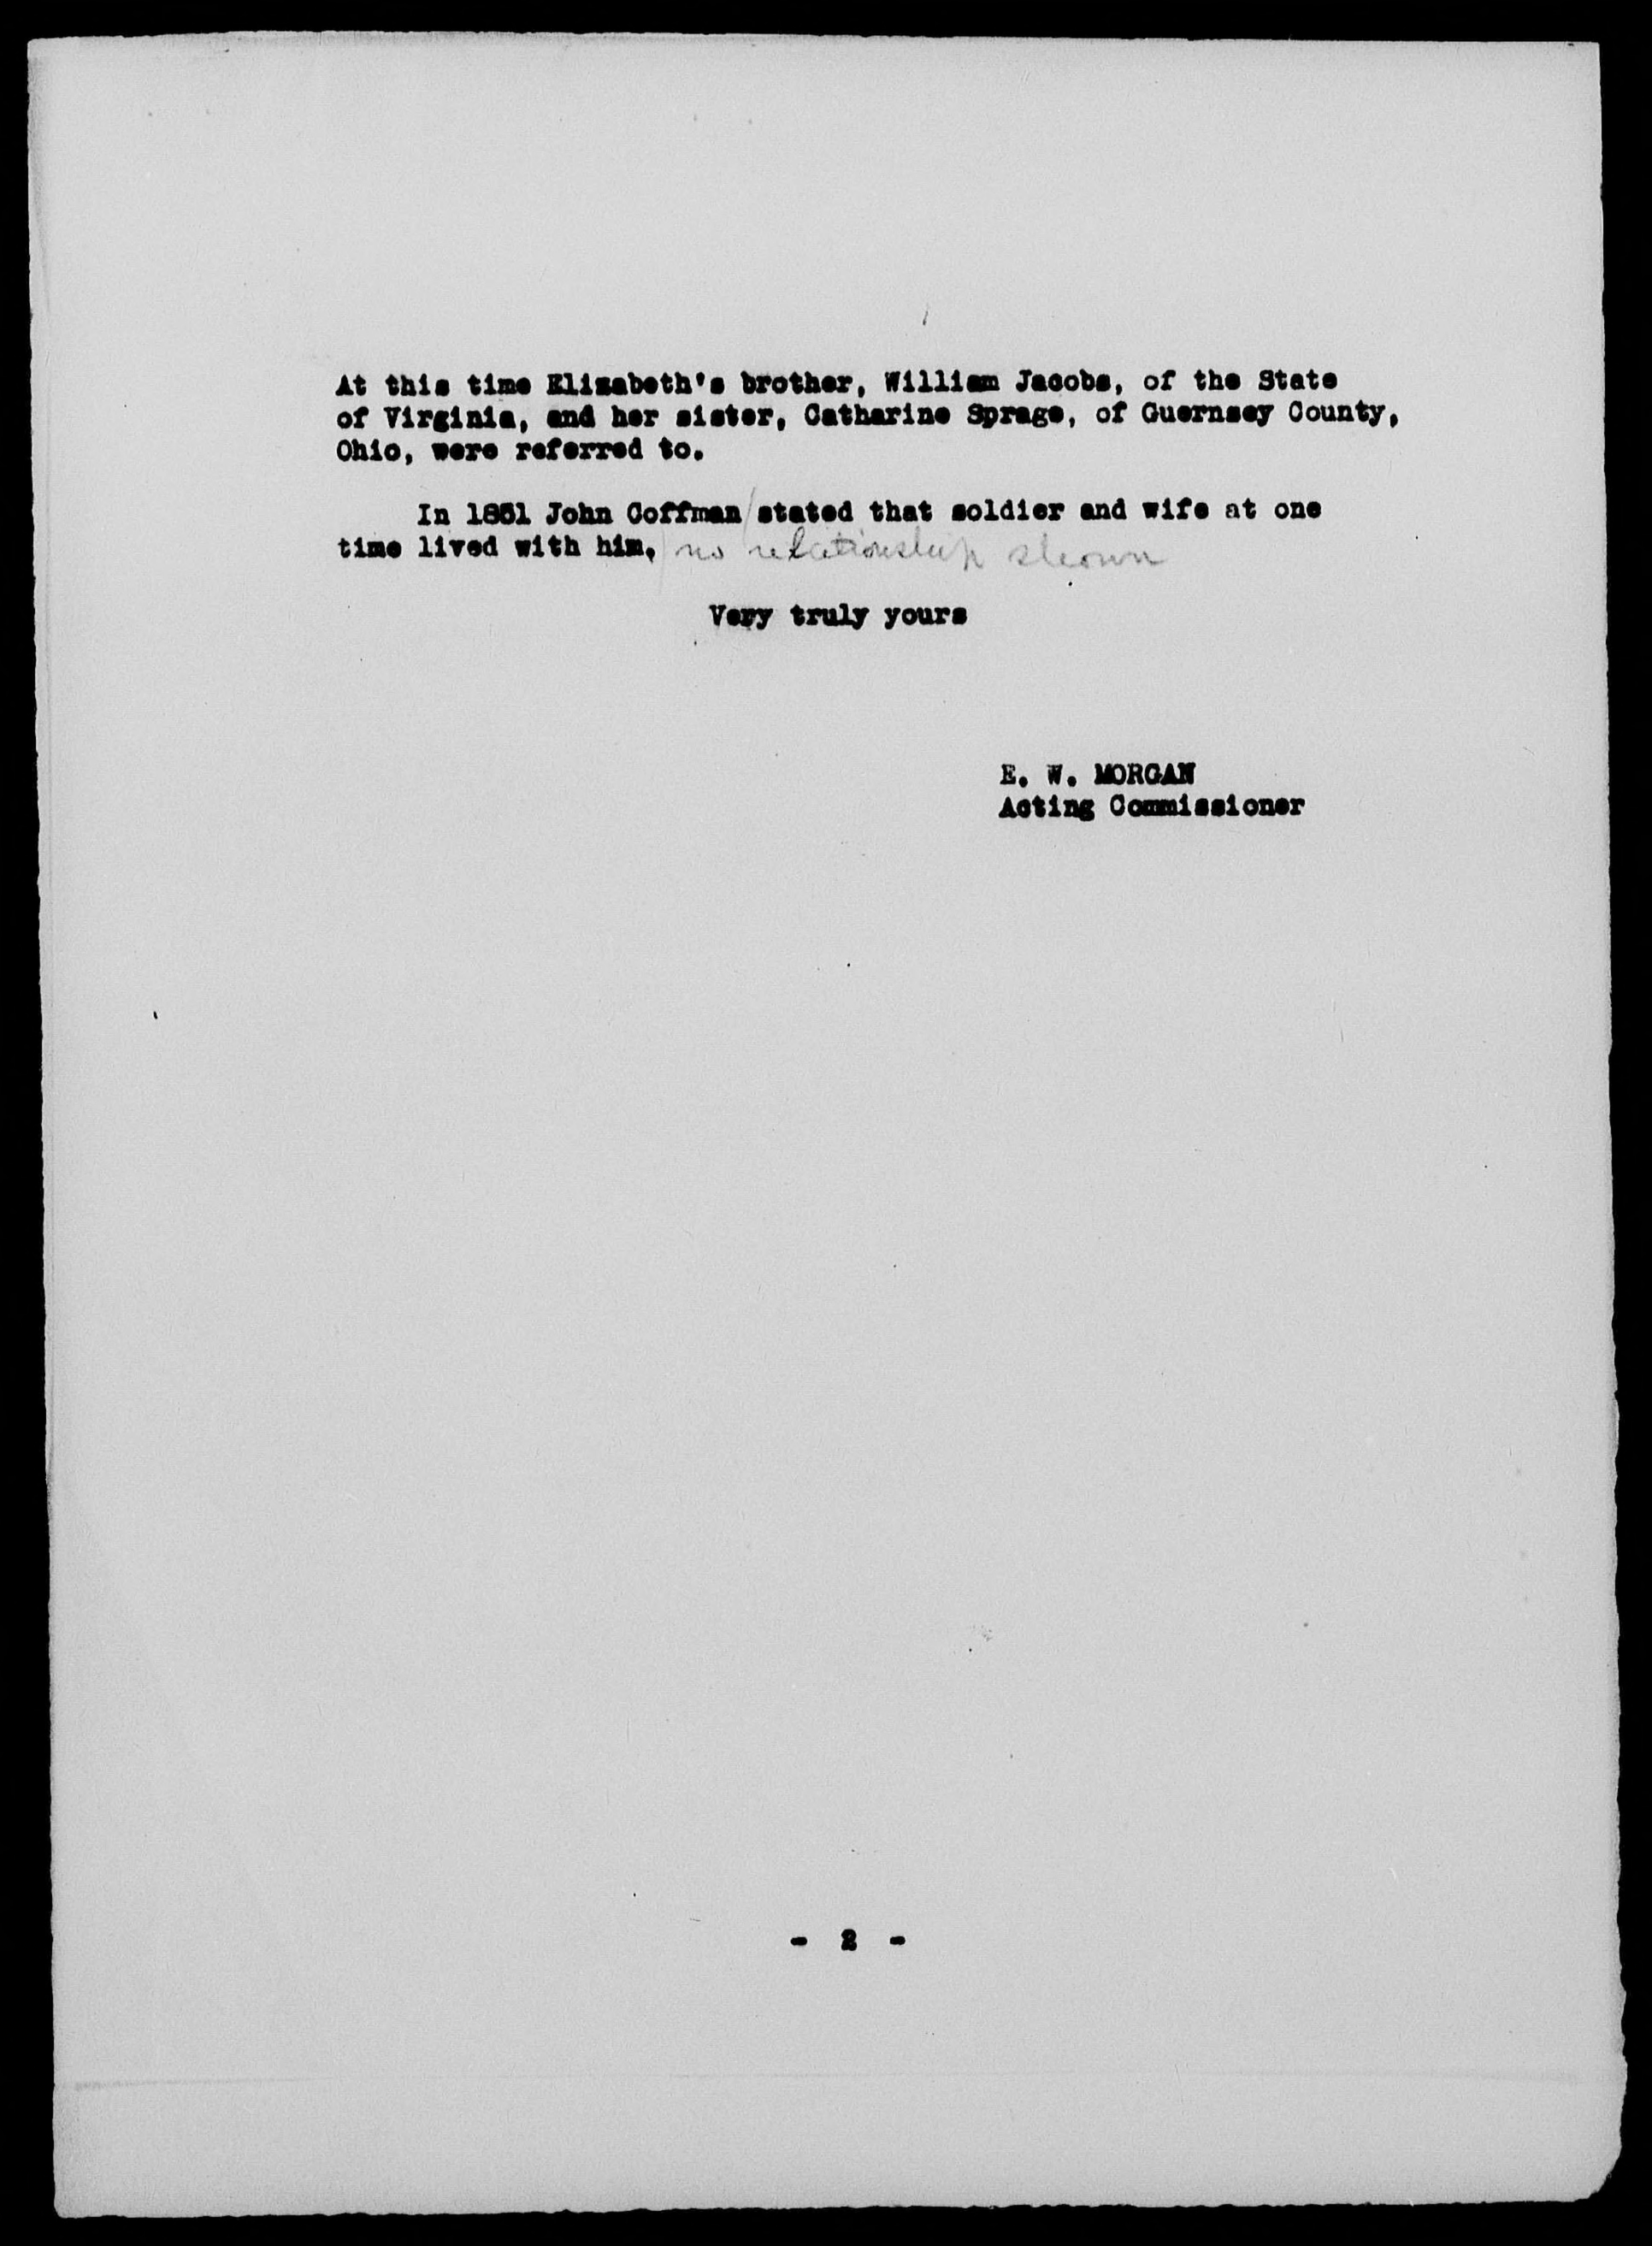At this time Elizabeth's brother, William Jacobs, of the State of Virginia, and her sister, Catharine Sprage, of Guernsey County, Ohio, were referred to. 

In 1851 John Coffman stated that soldier and wife at one time lived with him, no relationship shown 

Very truly yours 
E. W. MORGAN 
Acting Commissioner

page: 13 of 23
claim: survivor's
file: S. 2289, for William Jacobs, Maryland